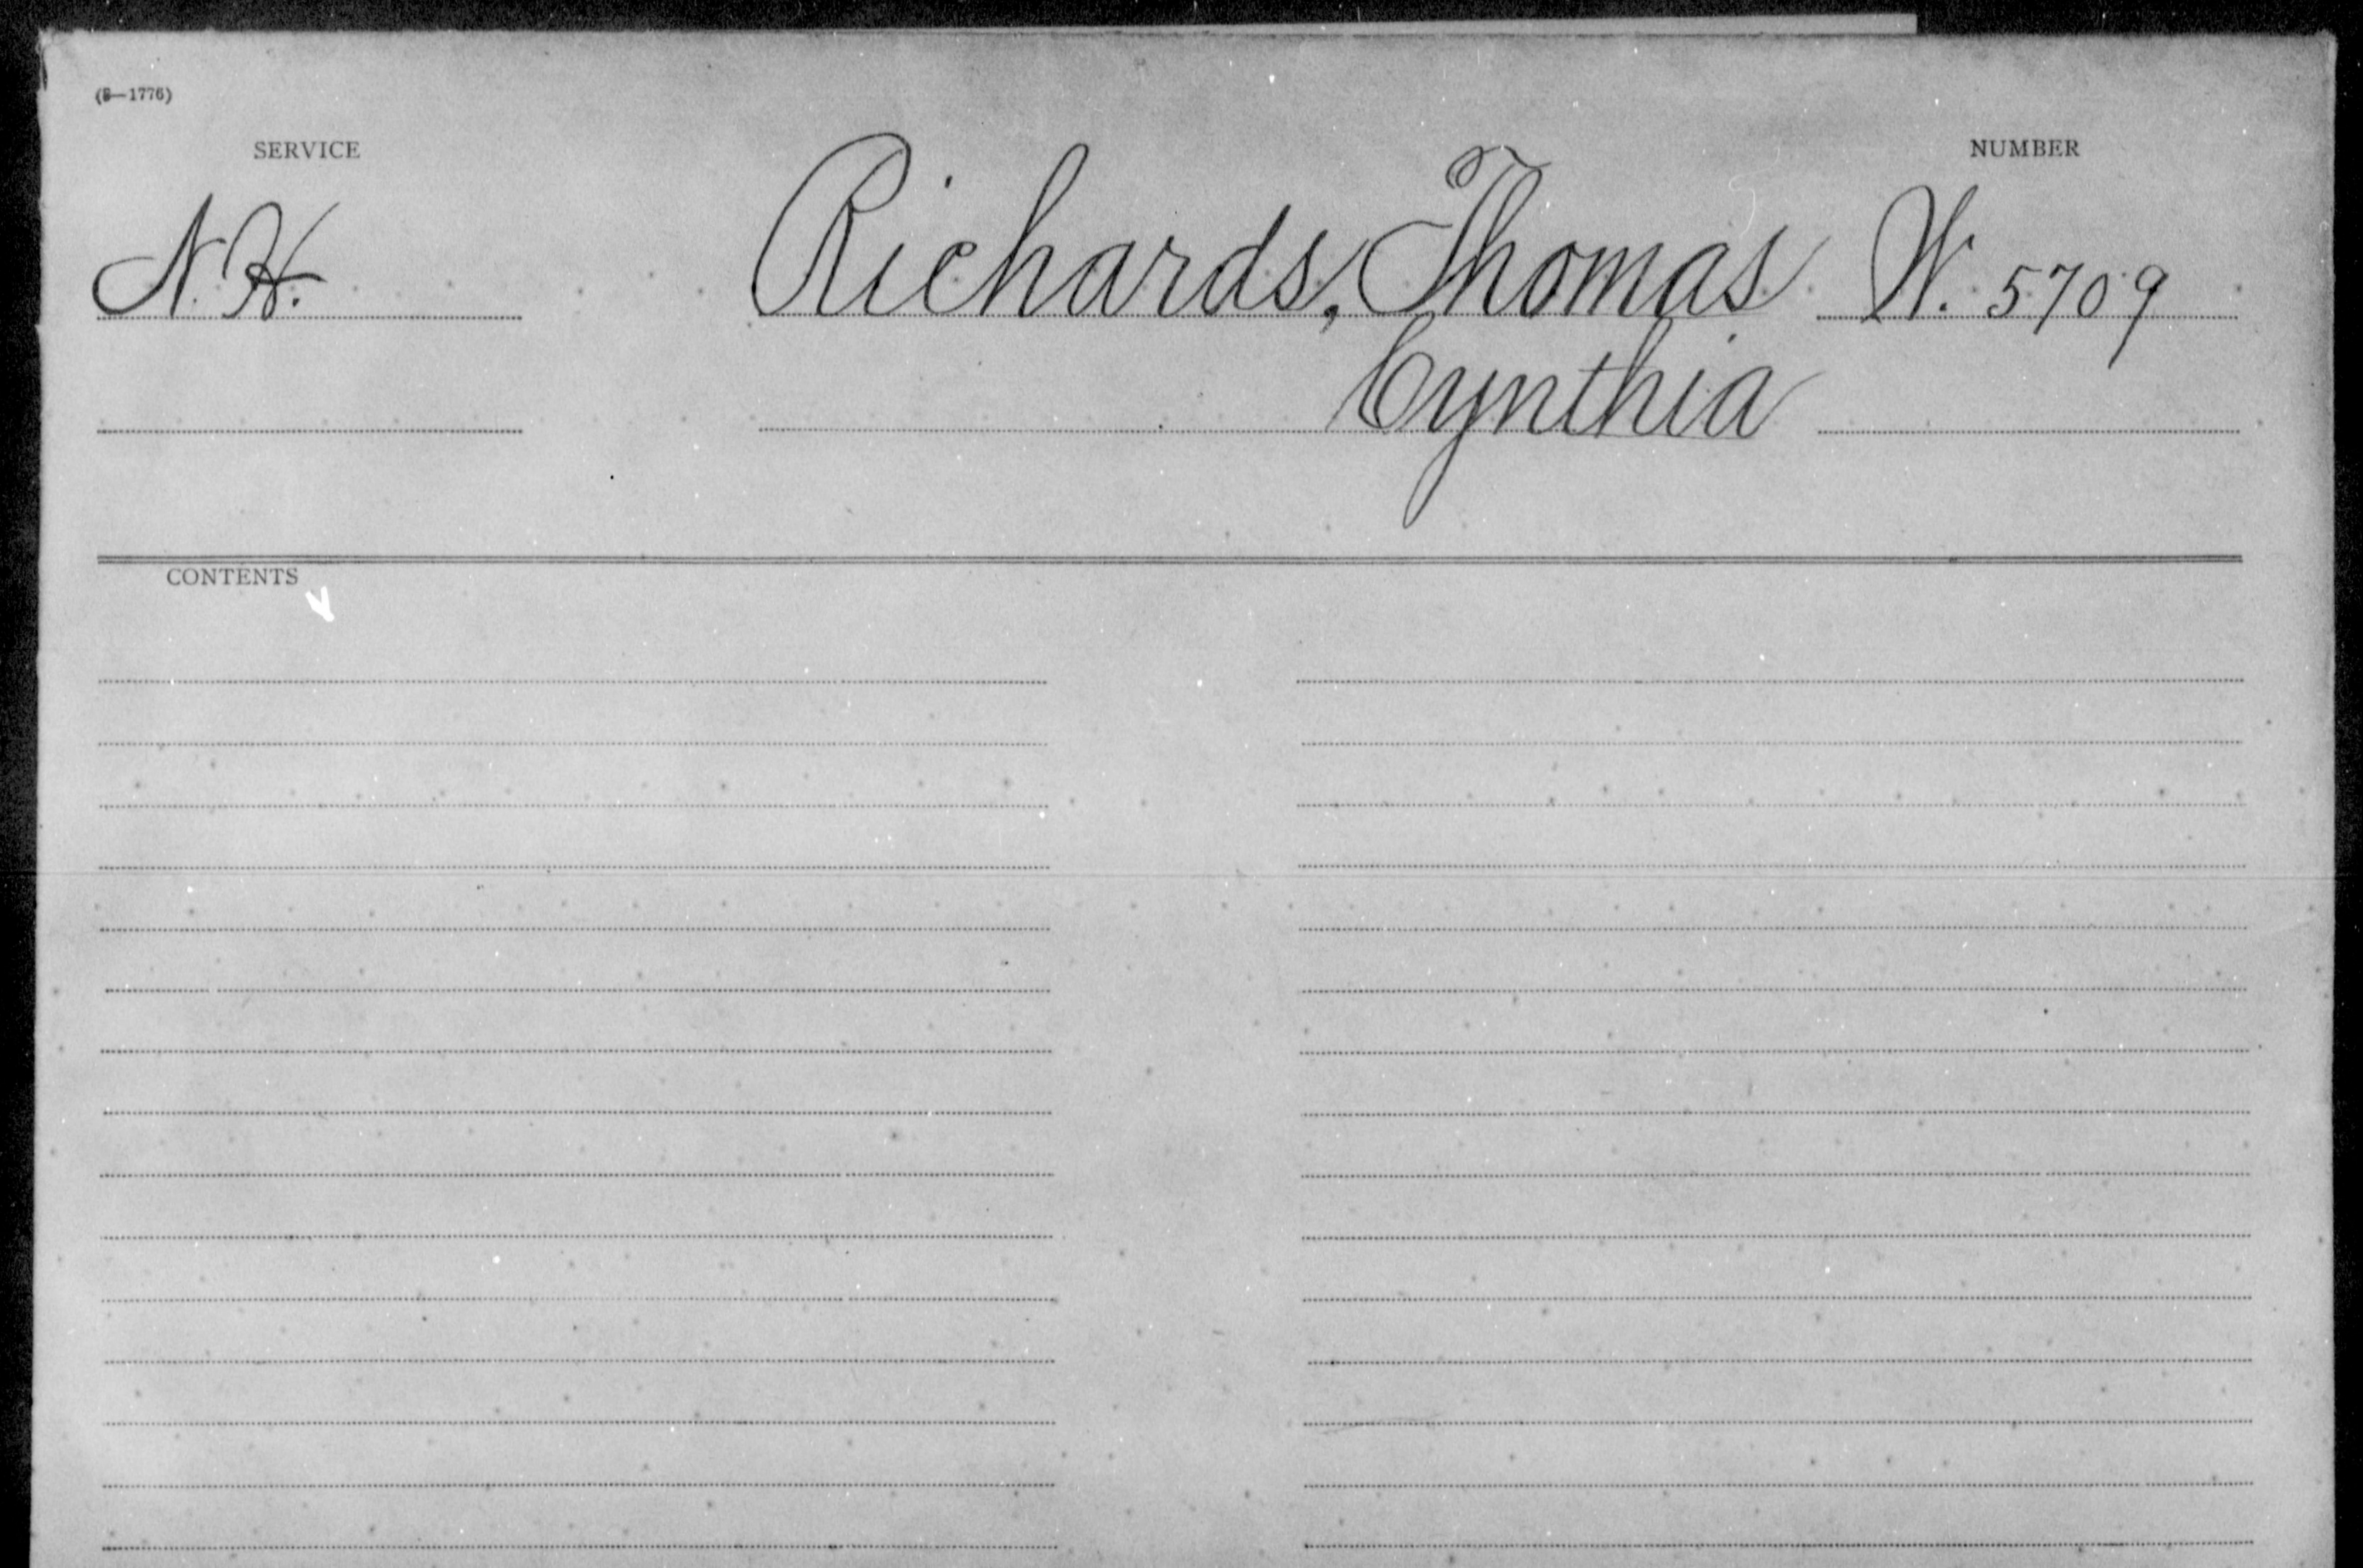(3-1776)
SERVICE N.H. 
Richards, Thomas Cynthia
NUMBER W.5709
CONTENTS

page: 1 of 109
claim: widow's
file: W. 5709, for Thomas Richards, New Hampshire